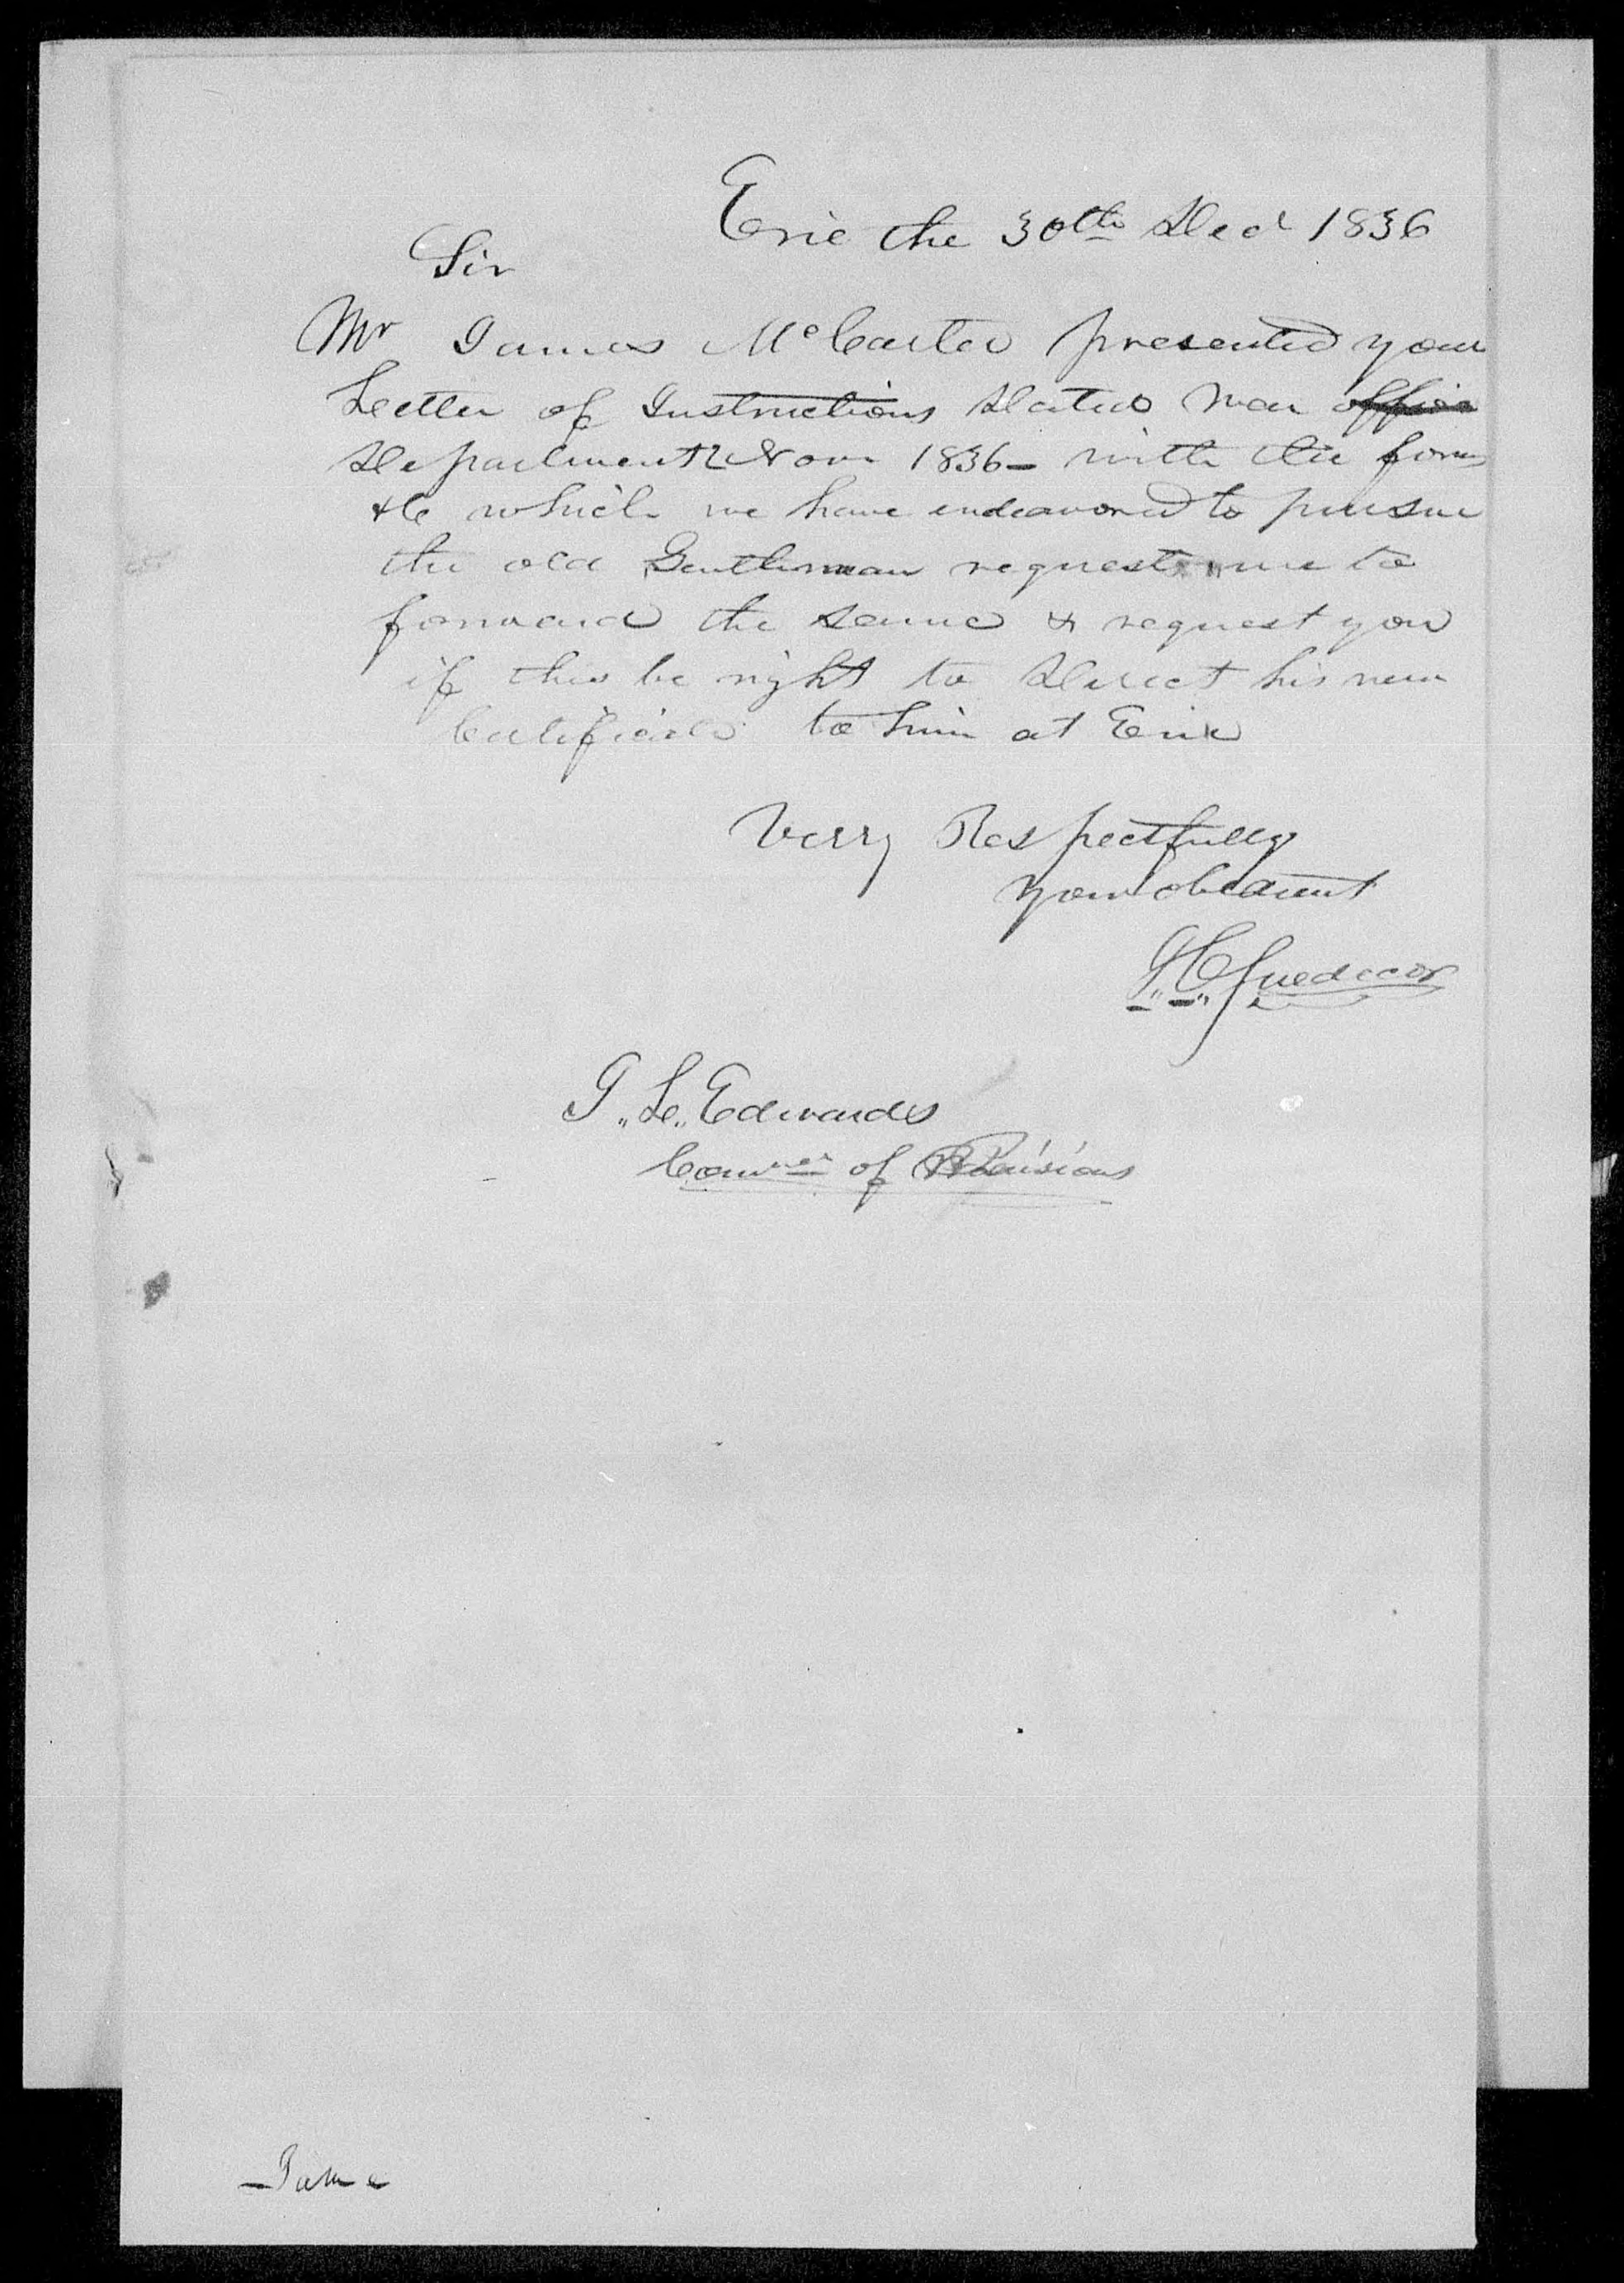Erie the 30th Decr 1836

Sir
James McCarter presented you Letter of Instructions slated War [crossed out: office]
Department Nov 1836- with the form &c which we have endeavored to pursue the old Gentleman request to forward the same & request you if this be right to direct his new
Certificate to him at Erie

Very Respectfully Your ob srvnt
I. C. Snedecor

J. L. Edwards
Com of Pensions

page: 43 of 45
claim: survivor's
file: S. 13,890, for James Mc Carter, South Carolina